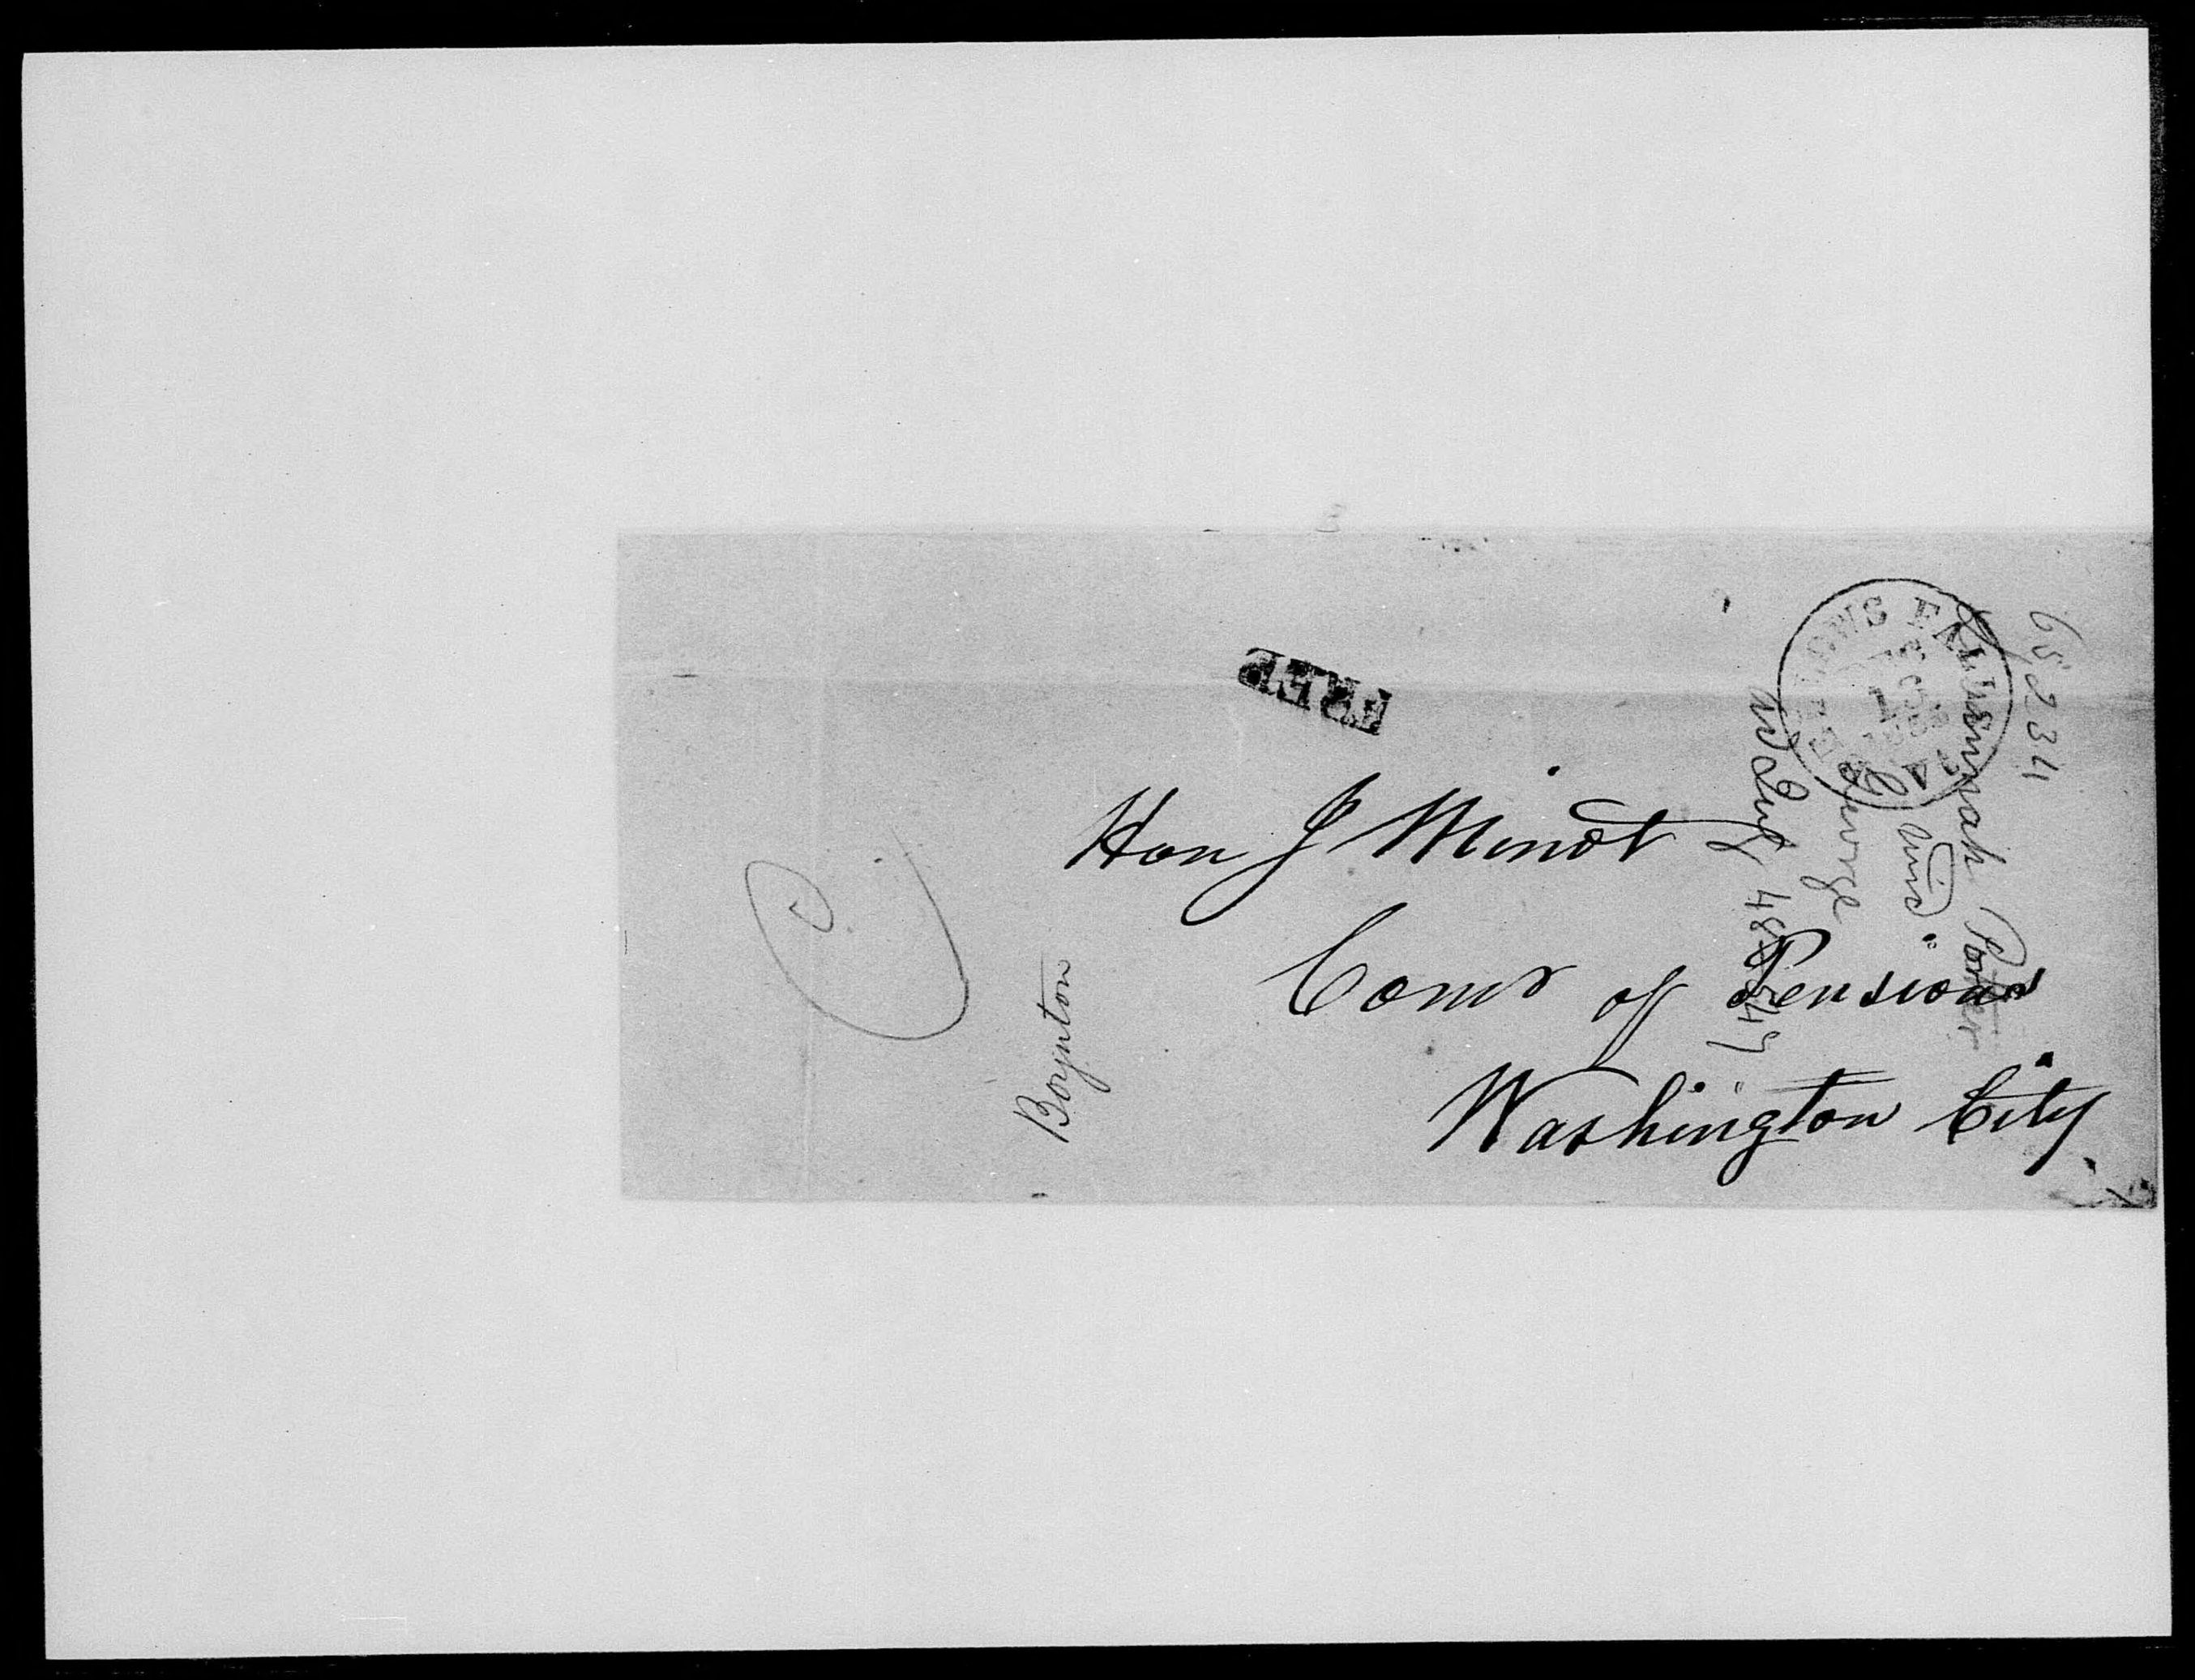Hon J. Minot
Comr of Pensions
Washington City

[stamped: FREE]

[stamped: BEDLOWS FALLS Vt DEC 13 1855]

65234
Susannah Porter wid George
Ad July 48-549

Boynton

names: [BLANK] Boynton; J Minot; George Porter; Susannah Porter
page: 28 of 49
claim: widow's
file: W. 2164, for George Porter, Massachusetts